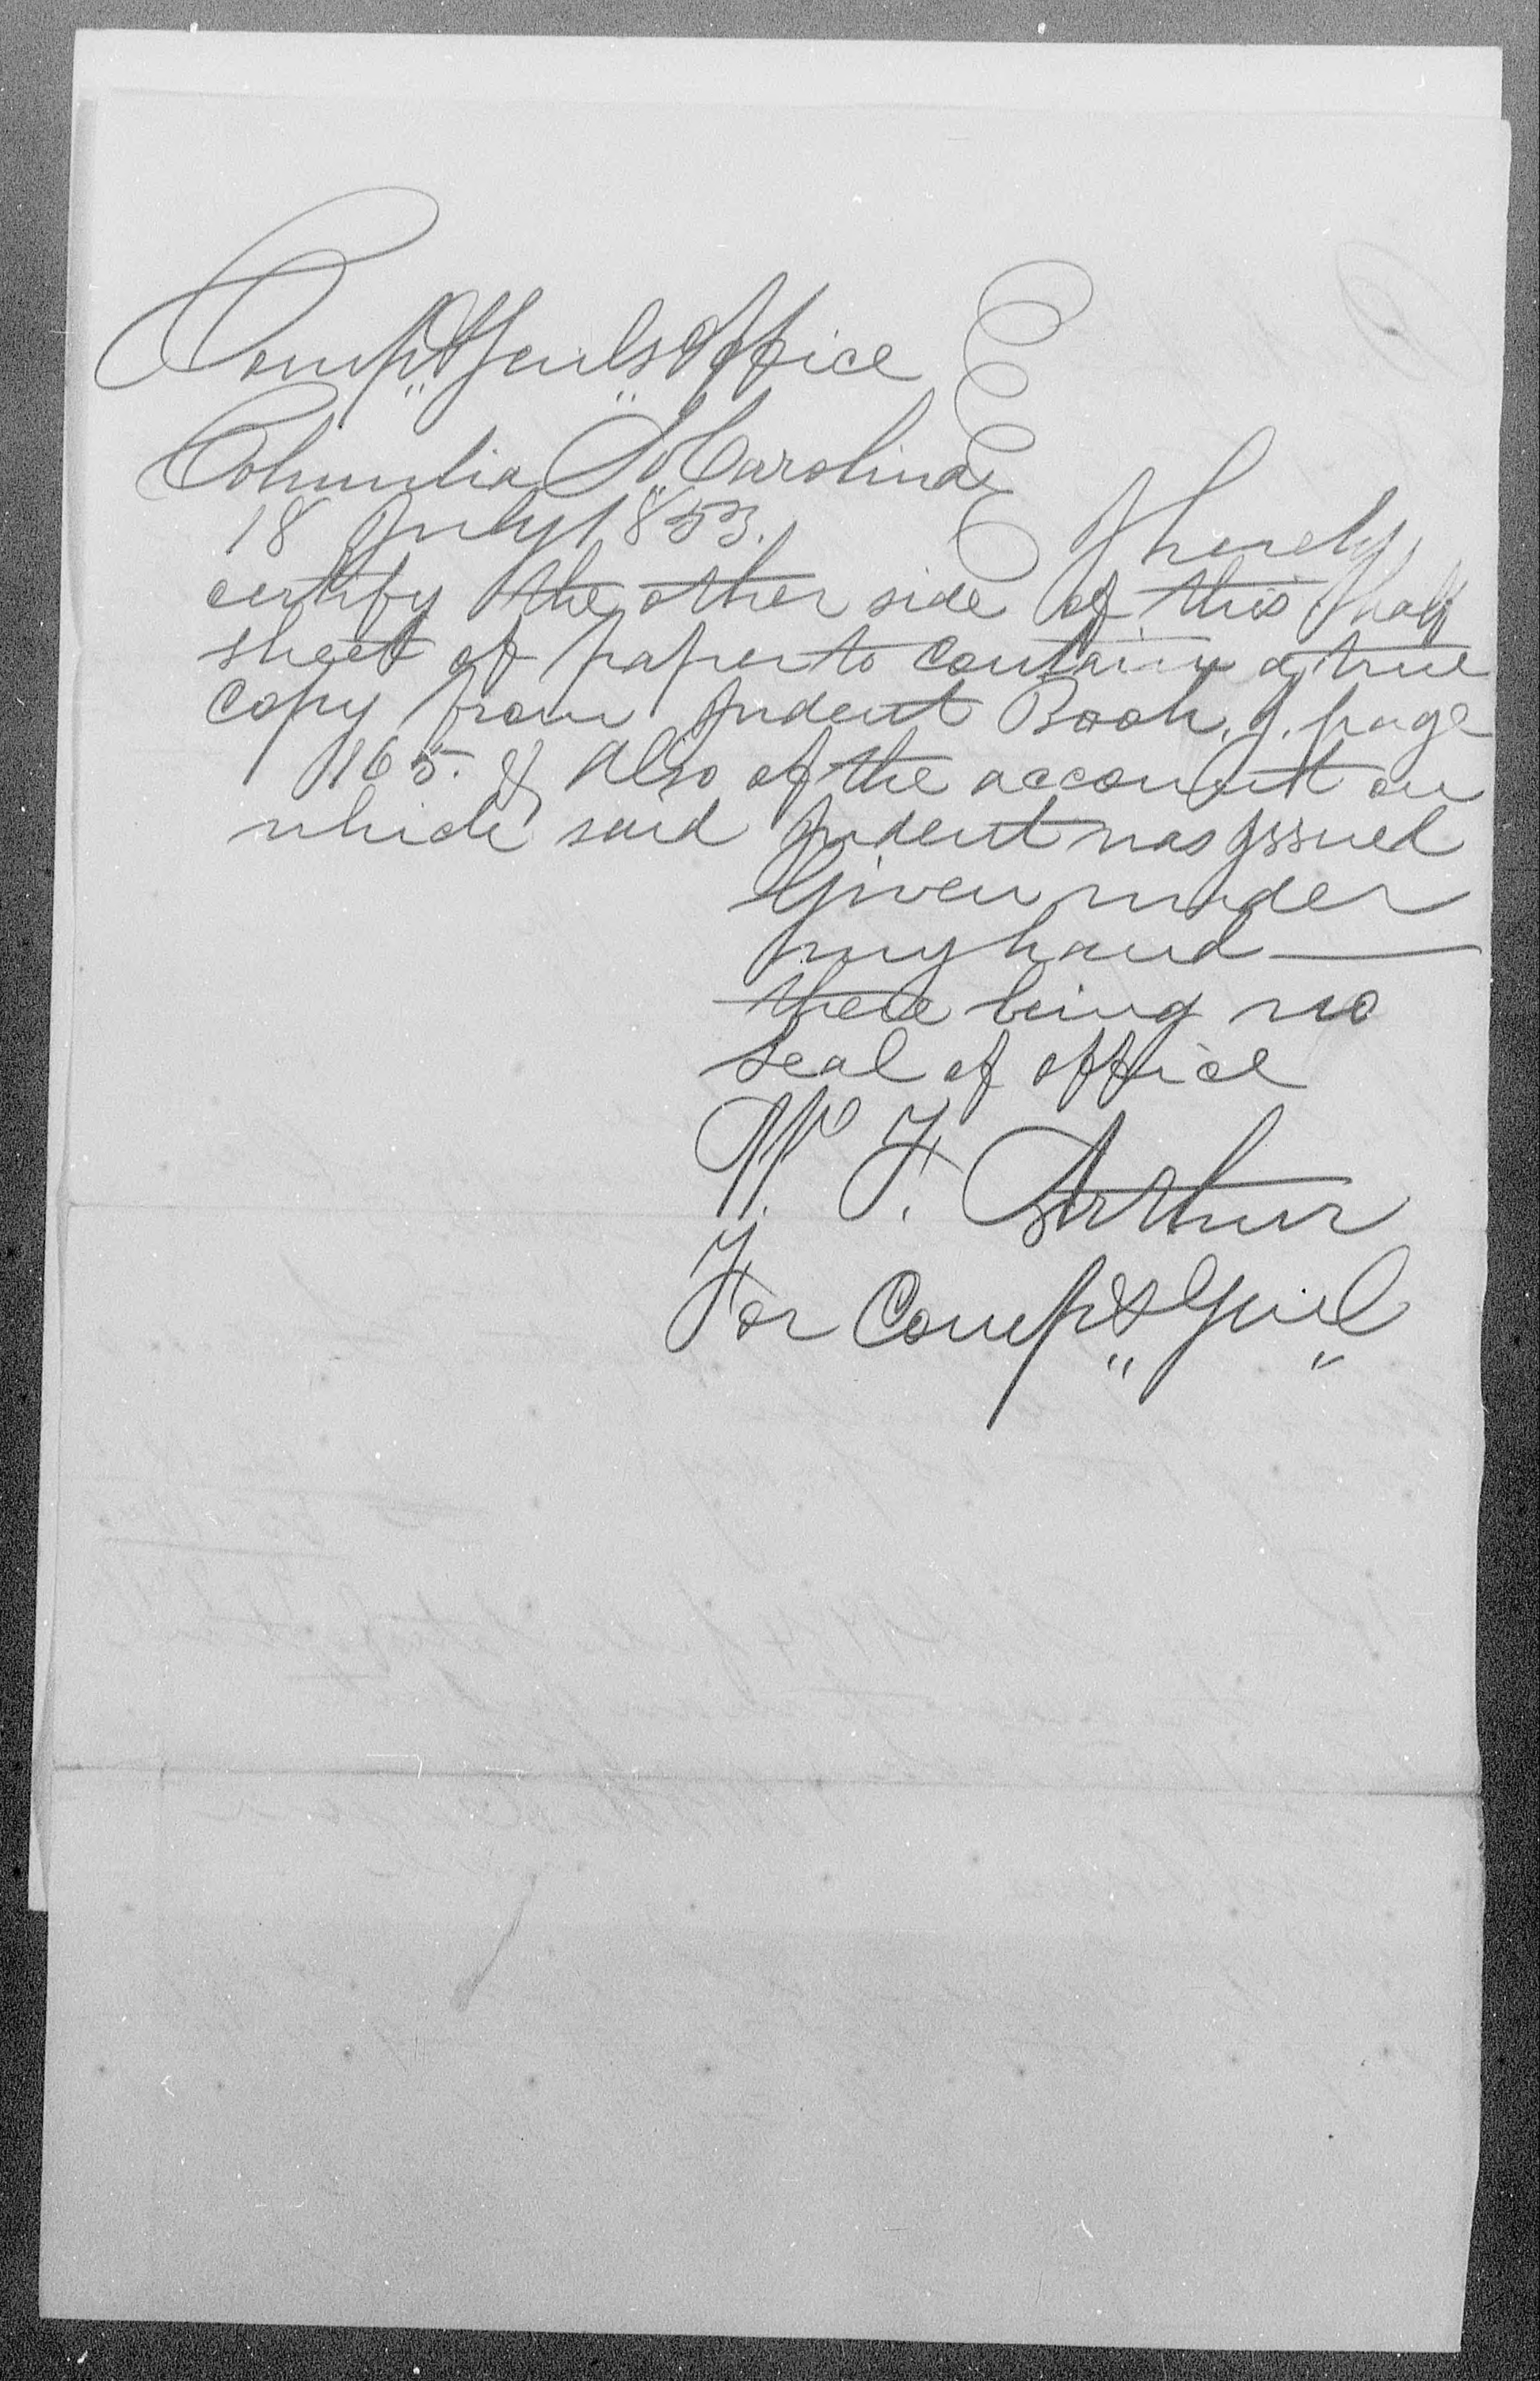Compt. Genls. Office
Columbia So. Carolina
18 July 1853
I hereby certify the other side of this half sheet of paper to contain a true copy from Indent Book J. page 165. & also of the account on which said Indent was issued.
Given under my hand there being no seal of office
W. F. Arthur
For Compt. Genl.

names: W F Arthur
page: 26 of 34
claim: rejected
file: R. 1,738, Walter Carson, N.C. S.C.